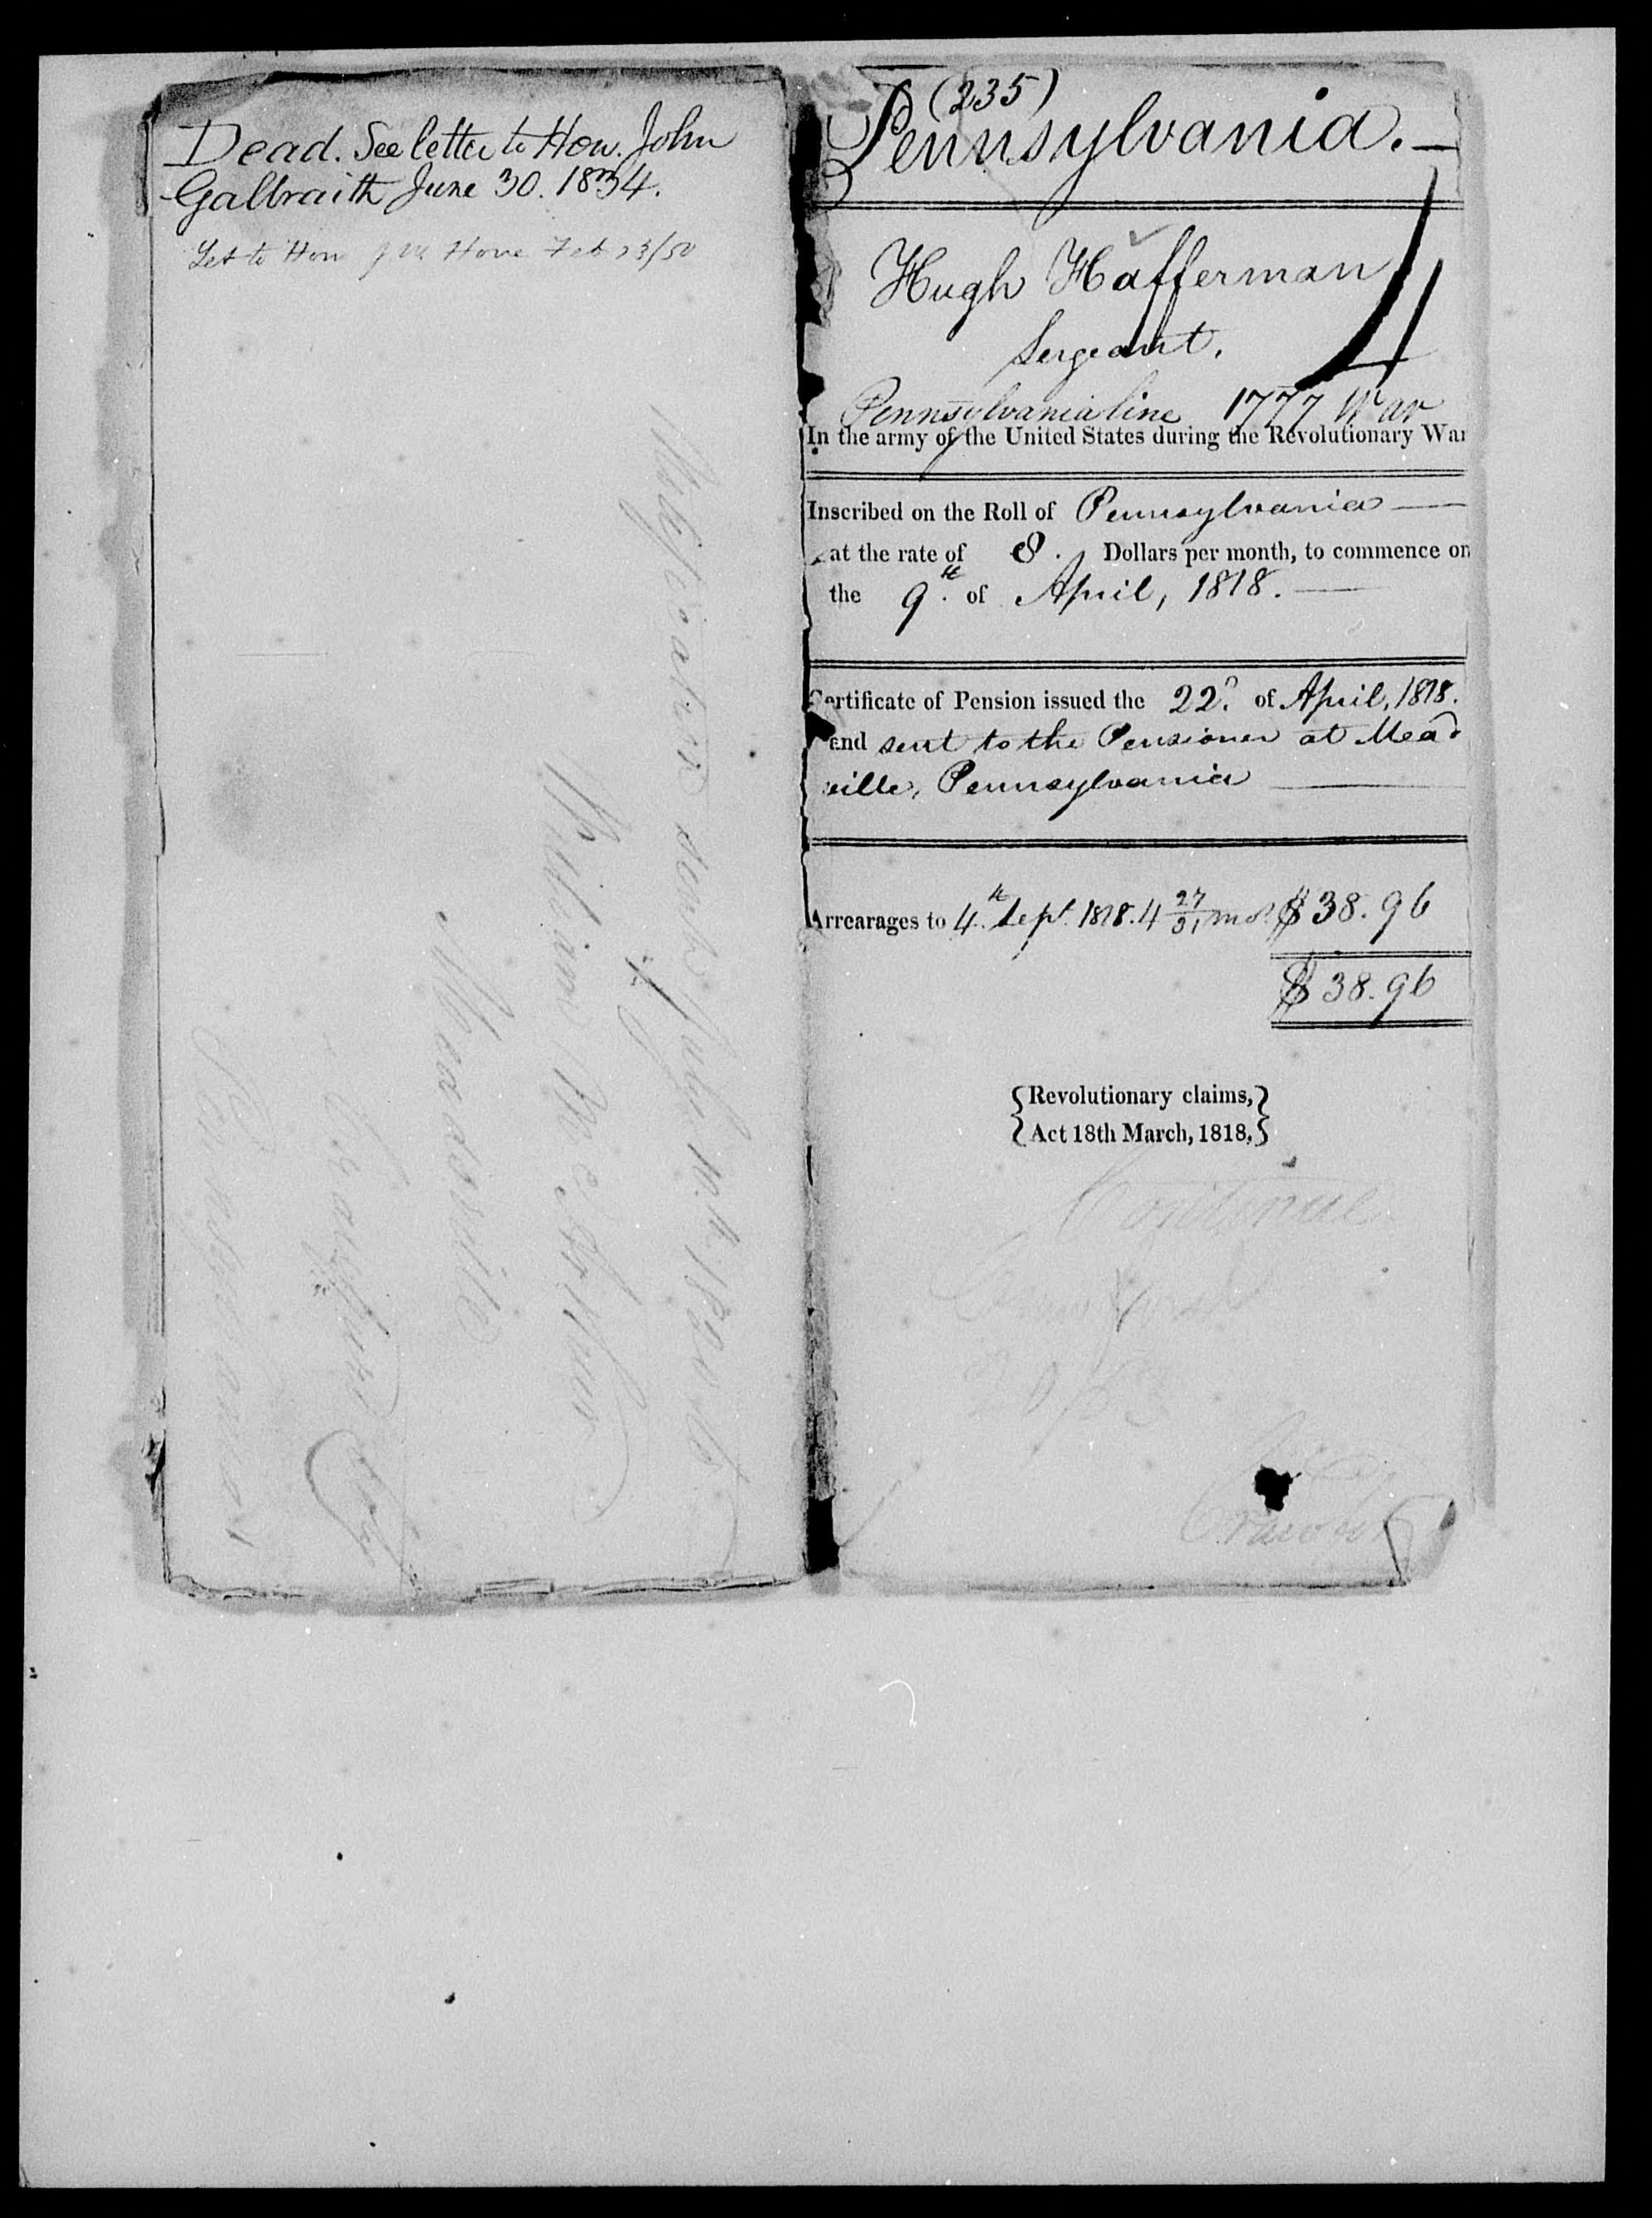Dead. See letter to Hon. John
Galbraith June 30, 1834.
Let to Hon [illegible] Hone Feb 23 /50
Notification sent July 10th 1820 to William McArcher
Meadville
Crawford Cty
Pennsylvania

(235)
Pennsylvania.
Hugh Hafferman
Sergeant
4
Pennsylvania line 1777 War
in the army of the United States during the Revolutionary War
Inscribed on the Roll of Pennsylvania
at the rate of 8 Dollars per month, to commence on the 9th of April, 1818.-

Certificate of Pension issued the 22nd of April, 1818 and sent to the Pensioner at Meadville, Pennsylvania
Arrearages to 4th Sept. 1818 4 27/31 mo $38.96
$38.96
Revolutionary claims,
Act 18th March, 1818,}

Continental Crawford
20/63
Crawford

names: William Mc Arthur, Hugh Hafferman, John Galbraith, J W Hove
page: 2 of 21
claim: rejected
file: R. 4419, Hugh Haffernan, Penn.